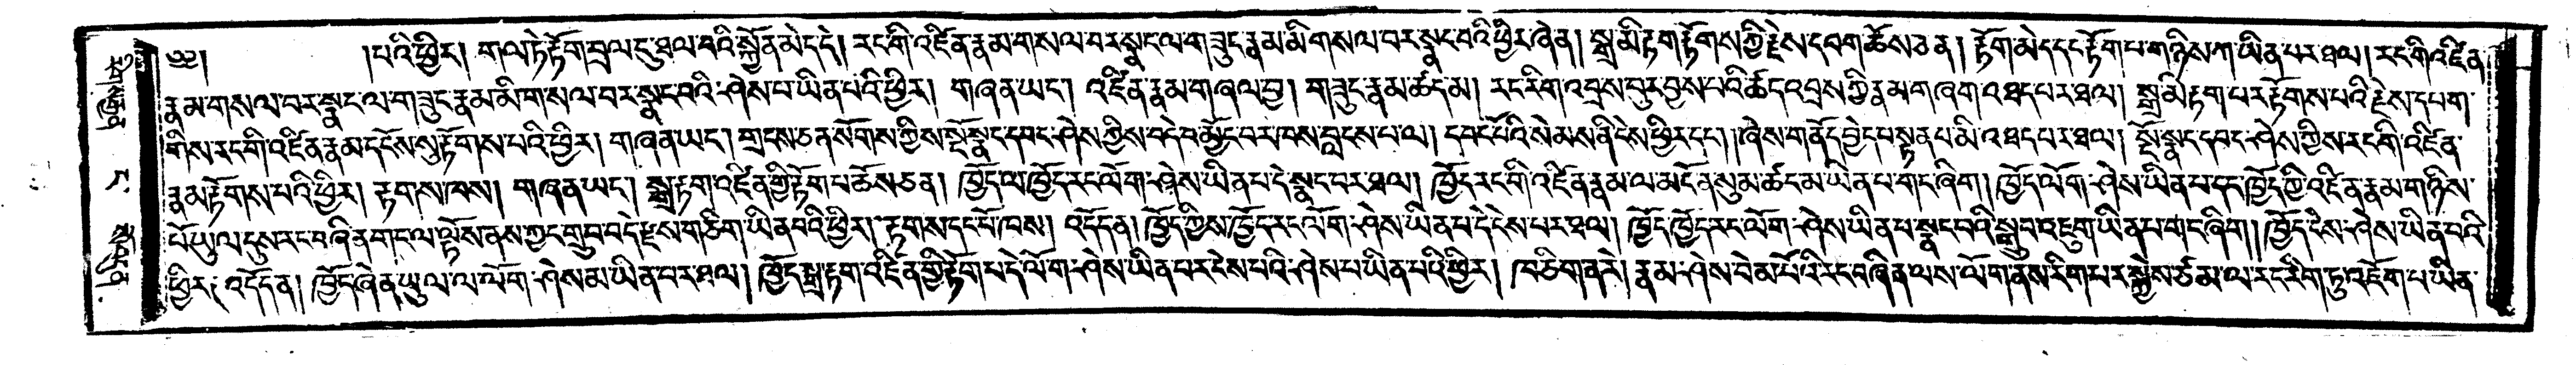༄༅། །པའི་ཕྱིར། གལ་ཏེ་རྟོག་བྲལ་དུ་ཐལ་བའི་སྐྱོན་མེད་དེ། རང་གི་འཛིན་རྣམ་གསལ་བར་སྣང་ལ་གཟུང་རྣམ་མི་གསལ་བར་སྣང་བའི་ཕྱིར་ཞེ་ན། སྒྲ་མི་རྟག་རྟོགས་ཀྱི་རྗེས་དཔག་ཆོས་ཅན། རྟོག་མེད་དང་རྟོག་པ་གཉིས་ཀ་ཡིན་པར་ཐལ། རང་གི་འཛིན་
རྣམ་གསལ་བར་སྣང་ལ་གཟུང་རྣམ་མི་གསལ་བར་སྣང་བའི་ཤེས་པ་ཡིན་པའི་ཕྱིར། གཞན་ཡང་། འཛིན་རྣམ་གཞལ་བྱ། གཟུང་རྣམ་ཚད་མ། རང་རིག་འབྲས་བུར་བྱས་པའི་ཚད་འབྲས་ཀྱི་རྣམ་གཞག་འཐད་པར་ཐལ། སྒྲ་མི་རྟག་པར་རྟོགས་པའི་རྗེས་དཔག་
གིས་རང་གི་འཛིན་རྣམ་དངོས་སུ་རྟོགས་པའི་ཕྱིར། གཞན་ཡང་། གྲངས་ཅན་སོགས་ཀྱིས་སྔོ་སྣང་དབང་ཤེས་ཀྱིས་བདེ་བ་མྱོང་བར་ཁས་བླངས་པ་ལ། དབང་པོའི་སེམས་ནི་ངེས་ཕྱིར་དང་། །ཞེས་གནོད་བྱེད་བསྟན་པ་མི་འཐད་པར་ཐལ། སྔོ་སྣང་དབང་ཤེས་ཀྱིས་རང་གི་འཛིན་
རྣམ་རྟོགས་པའི་ཕྱིར། རྟགས་ཁས། གཞན་ཡང་། སྒྲ་རྟག་འཛིན་གྱི་རྟོག་པ་ཆོས་ཅན། ཁྱོད་ལ་ཁྱོད་རང་ལོག་ཤེས་ཡིན་པ་དེ་སྣང་བར་ཐལ། ཁྱོད་རང་གི་འཛིན་རྣམ་ལ་མངོན་སུམ་ཚད་མ་ཡིན་པ་གང་ཞིག །ཁྱོད་ལོག་ཤེས་ཡིན་པ་དང་ཁྱོད་ཀྱི་འཛིན་རྣམ་གཉིས་
པོ་ཡུལ་དུས་རང་བཞིན་གང་ལ་ལྟོས་ནས་ཀྱང་གྲུབ་བདེ་?་རྫས་གཅིག་ཡིན་པའི་ཕྱིར། རྟགས་དང་པོ་ཁས། འདོད་ན། ཁྱོད་ཀྱིས་ཁྱོད་རང་ལོག་ཤེས་ཡིན་པ་དེ་ངེས་པར་ཐལ། ཁྱོད་ཁྱོད་རང་ལོག་ཤེས་ཡིན་པ་སྣང་བའི་སྒྲུབ་འཇུག་ཡིན་པ་གང་ཞིག །ཁྱོད་ངེས་ཤེས་ཡིན་པའི་
ཕྱིར༑ འདོད་ན། ཁྱོད་ཞེན་ཡུལ་ལ་ལོག་ཤེས་མ་ཡིན་པར་ཐལ། ཁྱོད་སྒྲ་རྟག་འཛིན་གྱི་རྟོག་པ་དེ་ལོག་ཤེས་ཡིན་པར་ངེས་པའི་ཤེས་པ་ཡིན་པའི་ཕྱིར། ཁ་ཅིག་ན་རེ། རྣམ་ཤེས་བེམ་པོའི་རང་བཞིན་ལས་ལོག་ནས་རིག་པར་སྐྱེས་ཙམ་ལ་རང་རིག་ཏུ་འཇོག་པ་ཡིན་